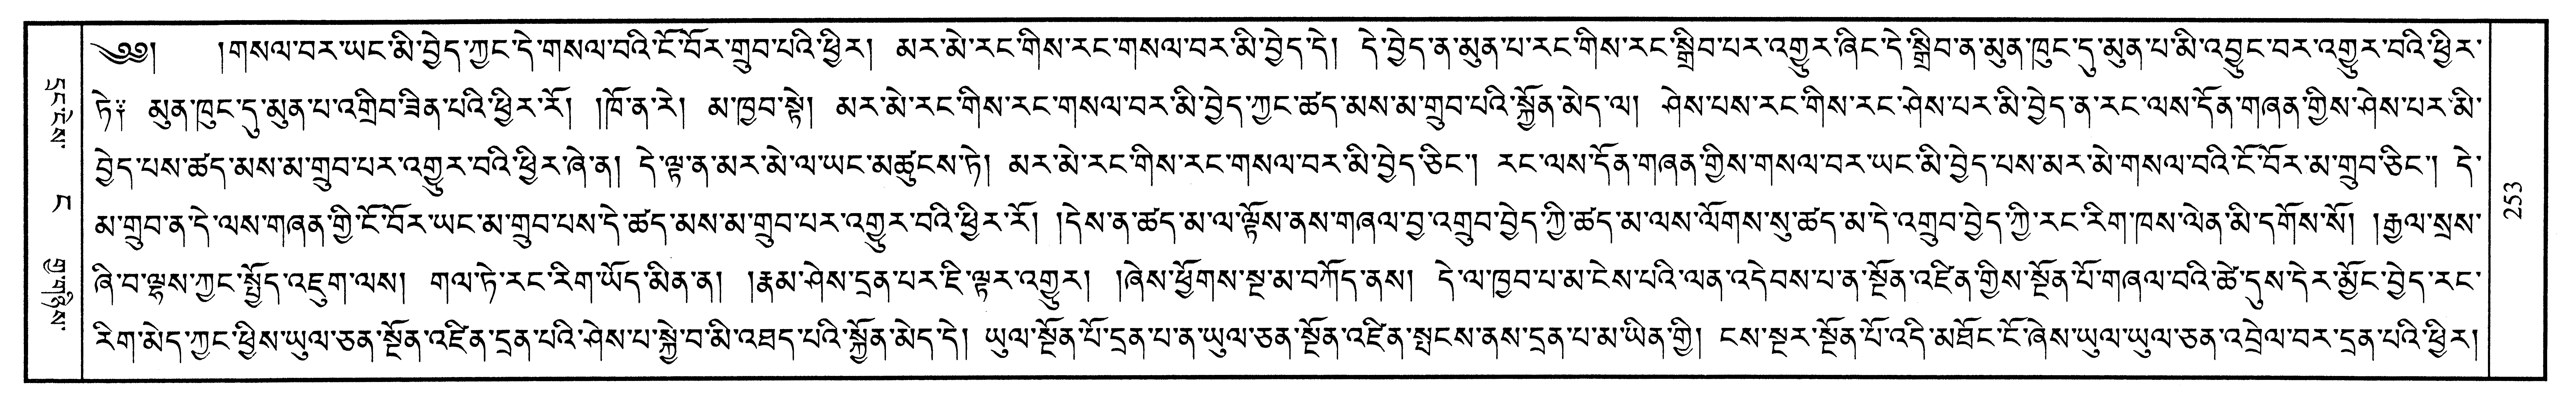༄༅། །གསལ་བར་ཡང་མི་བྱེད་ཀྱང་དེ་གསལ་བའི་ངོ་བོར་གྲུབ་པའི་ཕྱིར། མར་མེ་རང་གིས་རང་གསལ་བར་མི་བྱེད་དེ། དེ་བྱེད་ན་མུན་པ་རང་གིས་རང་སྒྲིབ་པར་འགྱུར་ཞིང་དེ་སྒྲིབ་ན་མུན་ཁུང་དུ་མུན་པ་མི་འབྱུང་བར་འགྱུར་བའི་ཕྱིར་
ཏེ༑ མུན་ཁུང་དུ་མུན་པ་འགྲིབ་ཟིན་པའི་ཕྱིར་རོ། །ཁོ་ན་རེ། མ་ཁྱབ་སྟེ། མར་མེ་རང་གིས་རང་གསལ་བར་མི་བྱེད་ཀྱང་ཚད་མས་མ་གྲུབ་པའི་སྐྱོན་མེད་ལ། ཤེས་པས་རང་གིས་རང་ཤེས་པར་མི་བྱེད་ན་རང་ལས་དོན་གཞན་གྱིས་ཤེས་པར་མི་
བྱེད་པས་ཚད་མས་མ་གྲུབ་པར་འགྱུར་བའི་ཕྱིར་ཞེ་ན། དེ་ལྟ་ན་མར་མེ་ལ་ཡང་མཚུངས་ཏེ། མར་མེ་རང་གིས་རང་གསལ་བར་མི་བྱེད་ཅིང་། རང་ལས་དོན་གཞན་གྱིས་གསལ་བར་ཡང་མི་བྱེད་པས་མར་མེ་གསལ་བའི་ངོ་བོར་མ་གྲུབ་ཅིང་། དེ་
མ་གྲུབ་ན་དེ་ལས་གཞན་གྱི་ངོ་བོར་ཡང་མ་གྲུབ་པས་དེ་ཚད་མས་མ་གྲུབ་པར་འགྱུར་བའི་ཕྱིར་རོ། །དེས་ན་ཚད་མ་ལ་ལྟོས་ནས་གཞལ་བྱ་འགྲུབ་བྱེད་ཀྱི་ཚད་མ་ལས་ལོགས་སུ་ཚད་མ་དེ་འགྲུབ་བྱེད་ཀྱི་རང་རིག་ཁས་ལེན་མི་དགོས་སོ། །རྒྱལ་སྲས་
ཞི་བ་ལྷས་ཀྱང་སྤྱོད་འཇུག་ལས། གལ་ཏེ་རང་རིག་ཡོད་མིན་ན། །རྣམ་ཤེས་དྲན་པར་ཇི་ལྟར་འགྱུར། །ཞེས་ཕྱོགས་སྔ་མ་བཀོད་ནས། དེ་ལ་ཁྱབ་པ་མ་ངེས་པའི་ལན་འདེབས་པ་ན་སྔོན་འཛིན་གྱིས་སྔོན་པོ་གཞལ་བའི་ཚེ་དུས་དེར་མྱོང་བྱེད་རང་
རིག་མེད་ཀྱང་ཕྱིས་ཡུལ་ཅན་སྔོན་འཛིན་དྲན་པའི་ཤེས་པ་སྐྱེ་བ་མི་འཐད་པའི་སྐྱོན་མེད་དེ། ཡུལ་སྔོན་པོ་དྲན་པ་ན་ཡུལ་ཅན་སྔོན་འཛིན་སྤངས་ནས་དྲན་པ་མ་ཡིན་གྱི། ངས་སྔར་སྔོན་པོ་འདི་མཐོང་ངོ་ཞེས་ཡུལ་ཡུལ་ཅན་འབྲེལ་བར་དྲན་པའི་ཕྱིར།